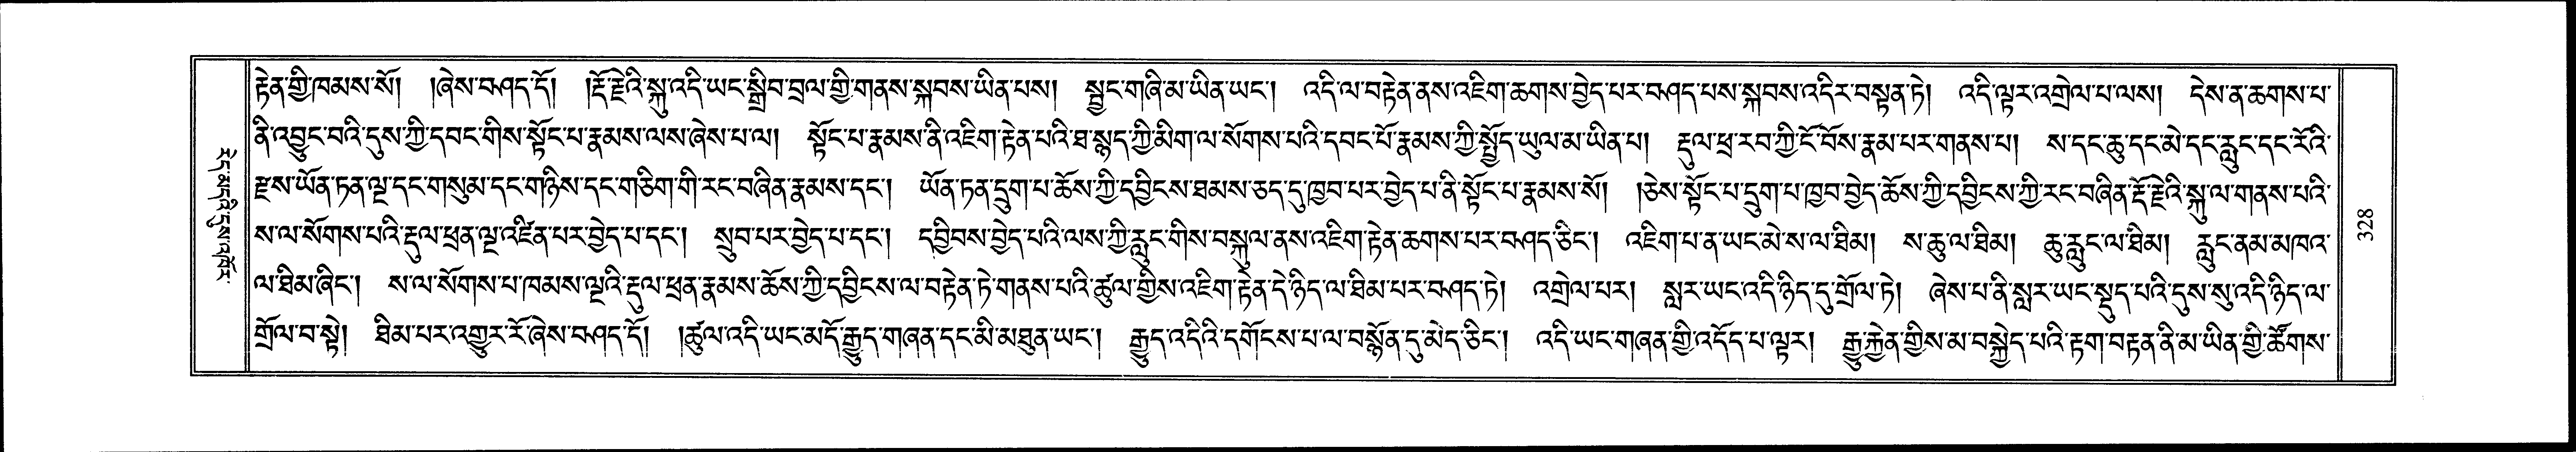རྟེན་གྱི་ཁམས་སོ། །ཞེས་བཤད་དོ། །རྡོ་རྗེའི་སྐུ་འདི་ཡང་སྒྲིབ་བྲལ་གྱི་གནས་སྐབས་ཡིན་པས། སྦྱང་གཞི་མ་ཡིན་ཡང་། འདི་ལ་བརྟེན་ནས་འཇིག་ཆགས་བྱེད་པར་བཤད་པས་སྐབས་འདིར་བསྟན་ཏེ། འདི་ལྟར་འགྲེལ་པ་ལས། དེས་ན་ཆགས་པ་
ནི་འབྱུང་བའི་དུས་ཀྱི་དབང་གིས་སྟོང་པ་རྣམས་ལས་ཞེས་པ་ལ། སྟོང་པ་རྣམས་ནི་འཇིག་རྟེན་པའི་ཐ་སྙད་ཀྱི་མིག་ལ་སོགས་པའི་དབང་པོ་རྣམས་ཀྱི་སྤྱོད་ཡུལ་མ་ཡིན་པ། རྡུལ་ཕྲ་རབ་ཀྱི་ངོ་བོས་རྣམ་པར་གནས་པ། ས་དང་ཆུ་དང་མེ་དང་རླུང་དང་རོའི་
རྫས་ཡོན་ཏན་ལྔ་དང་གསུམ་དང་གཉིས་དང་གཅིག་གི་རང་བཞིན་རྣམས་དང་། ཡོན་ཏན་དྲུག་པ་ཆོས་ཀྱི་དབྱིངས་ཐམས་ཅད་དུ་ཁྱབ་པར་བྱེད་པ་ནི་སྟོང་པ་རྣམས་སོ། །ཅེས་སྟོང་པ་དྲུག་པ་ཁྱབ་བྱེད་ཆོས་ཀྱི་དབྱིངས་ཀྱི་རང་བཞིན་རྡོ་རྗེའི་སྐུ་ལ་གནས་པའི་
ས་ལ་སོགས་པའི་རྡུལ་ཕྲན་ལྔ་འཛིན་པར་བྱེད་པ་དང་། སྲུབ་པར་བྱེད་པ་དང་། དབྱིབས་བྱེད་པའི་ལས་ཀྱི་རླུང་གིས་བསྐུལ་ནས་འཇིག་རྟེན་ཆགས་པར་བཤད་ཅིང་། འཇིག་པ་ན་ཡང་མེ་ས་ལ་ཐིམ། ས་ཆུ་ལ་ཐིམ། ཆུ་རླུང་ལ་ཐིམ། རླུང་ནམ་མཁའ་
ལ་ཐིམ་ཞིང་། ས་ལ་སོགས་པ་ཁམས་ལྔའི་རྡུལ་ཕྲན་རྣམས་ཆོས་ཀྱི་དབྱིངས་ལ་བརྟེན་ཏེ་གནས་པའི་ཚུལ་གྱིས་འཇིག་རྟེན་དེ་ཉིད་ལ་ཐིམ་པར་བཤད་ཏེ། འགྲེལ་པར། སླར་ཡང་འདི་ཉིད་དུ་གྲོལ་ཏེ། ཞེས་པ་ནི་སླར་ཡང་སྡུད་པའི་དུས་སུ་འདི་ཉིད་ལ་
གྲོལ་བ་སྟེ། ཐིམ་པར་འགྱུར་རོ་ཞེས་བཤད་དོ། །ཚུལ་འདི་ཡང་མདོ་རྒྱུད་གཞན་དང་མི་མཐུན་ཡང་། རྒྱུད་འདིའི་དགོངས་པ་ལ་བསྙོན་དུ་མེད་ཅིང་། འདི་ཡང་གཞན་གྱི་འདོད་པ་ལྟར། རྒྱུ་རྐྱེན་གྱིས་མ་བསྐྱེད་པའི་རྟག་བརྟན་ནི་མ་ཡིན་གྱི་ཚོགས་